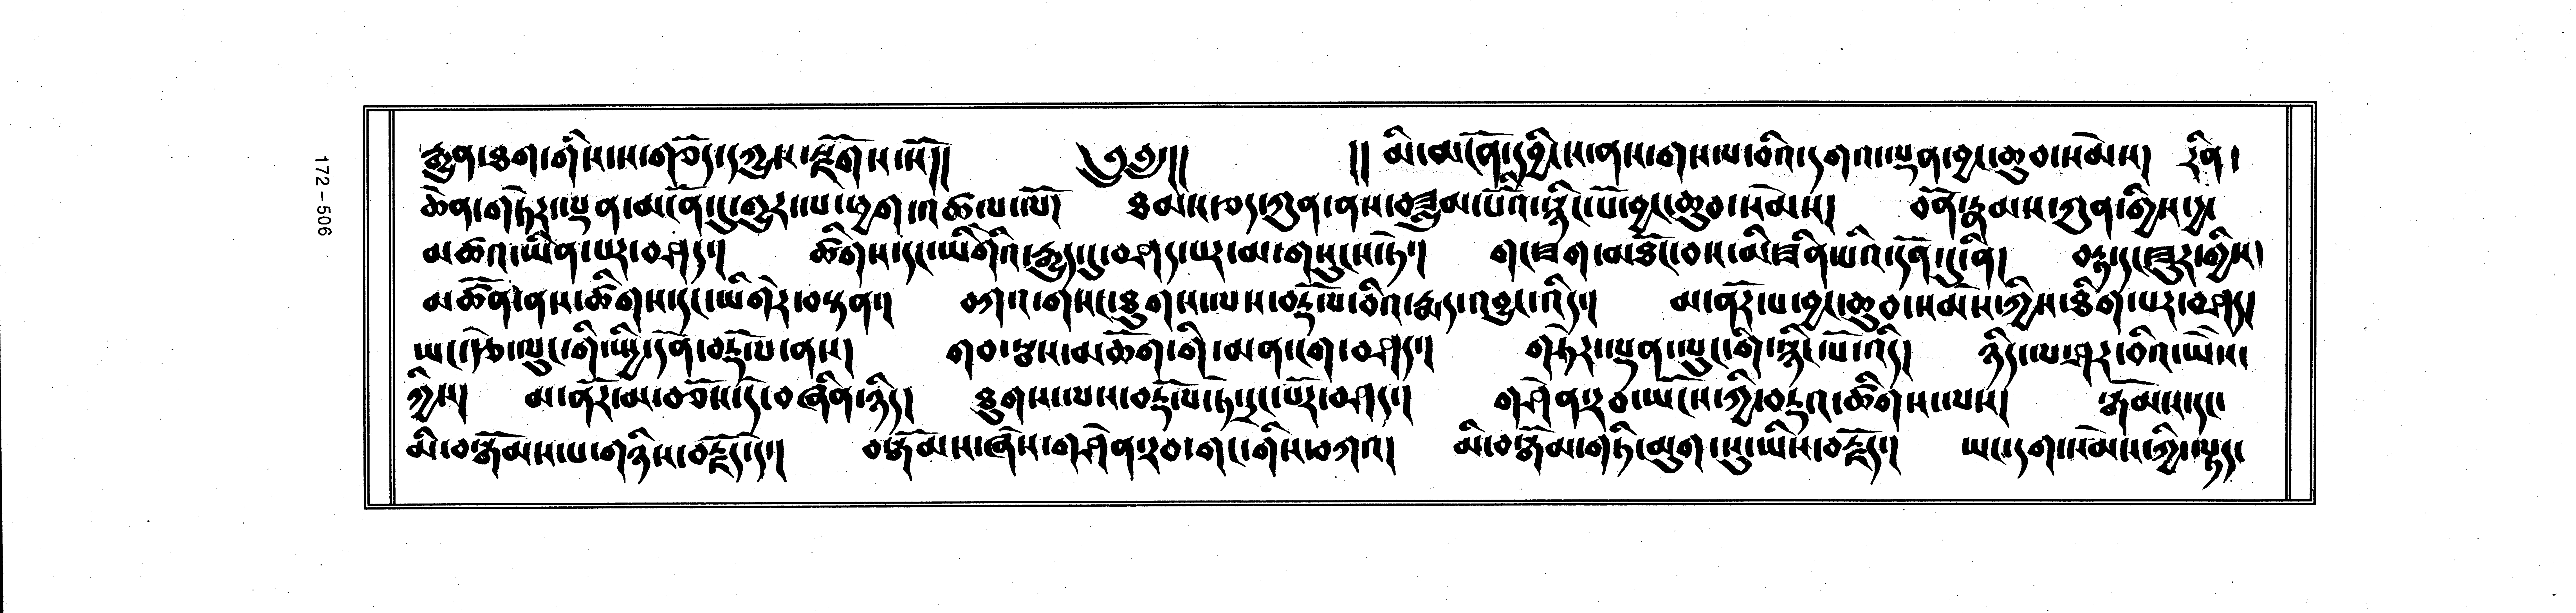རྒྱུན་ཐག་གིས་ས་གཅོད་དཀྱུས་རྫོགས་སོ། མི་མངོན་དབྱིངས་ནས་གསལ་བའི་དགའ་ལྡན་བྱང་ཆུབ་སེམས། རིན་
ཆེན་གཏེར་ལྡན་མངོན་དུ་གྱུར་ལ་ཕྱག་འཚལ་ལོ། ཐམས་ཅད་ཀུན་ནས་བཟླུམ་པོའི་སྙིང་པོ་བྱང་ཆུབ་སེམས། བོན་རྣམས་ཀུན་གྱིས་རྒྱ་
མཚོ་ཡིན་པར་བཤད། ཚིག་དང་ཡི་གེའི་རྒྱུད་དུ་བཤད་པར་མ་གསུངས་ཏེ། གང་ཟག་མཐོང་བས་མི་ཟིན་པའི་དོན་དུ་ནི། བརྡ་དང་ཟུར་གྱིས་
མཚོན་ནས་ཚིག་དང་ཡིག་གེར་བསྟན། བཀའ་གསང་ཐུགས་ལས་བརྡོལ་བའི་རྨད་འབྱུང་འདི། མ་ནོར་པ་བྱང་ཆུབ་སེམས་ཀྱིས་ཐིག་པར་བཤད། 
ཡང་རྩེ་ལུང་གི་སྤྱི་དོན་བརྡོལ་ནས། གབ་སྦས་མཆོག་གི་མན་ངག་བཤད། གཏེར་ལྡན་ལུང་གི་སྙིང་པོ་འདི། ཉིད་ལ་ཤར་བའི་ཡེ་ཤེས་
ཀྱིས། མ་ནོར་མ་བཅོས་དེ་བཞིན་ཉིད། ཐུགས་ལས་བརྡོལ་ཏེ་དྲང་པོར་བཤད། གཤེན་རབ་ཡོངས་ཀྱི་བརྡའ་ཚིག་ལས། སྒོམས་དང་
མི་བསྒོམས་པ་གཉིས་བརྗོད་དེ། བསྒོམས་ཞེས་གཤེན་རབ་གང་གིས་བཀའ། མི་བསྒོམ་གཏི་མུག་སུ་ཡིས་བརྗོད། ཡང་དག་སེམས་ཀྱི་ལྟད་མ་བ།